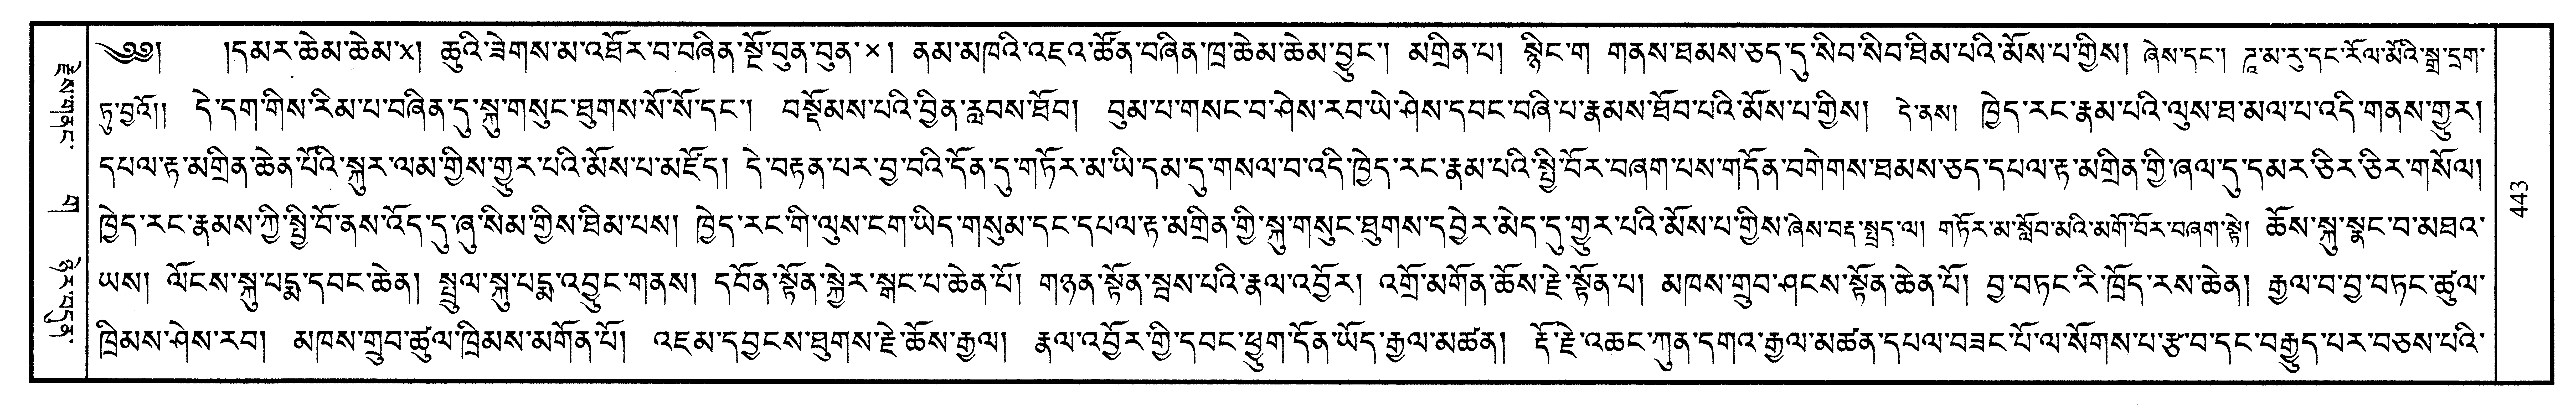༄༅། །དམར་ཆེམ་ཆེམ་྾། ཆུའི་ཟེགས་མ་འཐོར་བ་བཞིན་སྔོ་བུན་བུན་྾། ནམ་མཁའི་འཇའ་ཚོན་བཞིན་ཁྲ་ཆེམ་ཆེམ་བྱུང་། མགྲིན་པ། སྙིང་ག་གནས་ཐམས་ཅད་དུ་སིབ་སིབ་ཐིམ་པའི་མོས་པ་གྱིས། ཞེས་དང་། ཌཱ་མ་རུ་དང་རོལ་མོའི་སྒྲ་དྲག་
ཏུ་བྱའོ།། དེ་དག་གིས་རིམ་པ་བཞིན་དུ་སྐུ་གསུང་ཐུགས་སོ་སོ་དང་། བསྡོམས་པའི་བྱིན་རླབས་ཐོབ། བུམ་པ་གསང་བ་ཤེས་རབ་ཡེ་ཤེས་དབང་བཞི་པ་རྣམས་ཐོབ་པའི་མོས་པ་གྱིས། དེ་ནས། ཁྱེད་རང་རྣམ་པའི་ལུས་ཐ་མལ་པ་འདི་གནས་གྱུར།
དཔལ་རྟ་མགྲིན་ཆེན་པོའི་སྐུར་ལམ་གྱིས་གྱུར་པའི་མོས་པ་མཛོད། དེ་བརྟན་པར་བྱ་བའི་དོན་དུ་གཏོར་མ་ཡི་དམ་དུ་གསལ་བ་འདི་ཁྱེད་རང་རྣམ་པའི་སྤྱི་བོར་བཞག་པས་གདོན་བགེགས་ཐམས་ཅད་དཔལ་རྟ་མགྲིན་གྱི་ཞལ་དུ་དམར་ཅིར་ཅིར་གསོལ།
ཁྱེད་རང་རྣམས་ཀྱི་སྤྱི་བོ་ནས་འོད་དུ་ཞུ་སིམ་གྱིས་ཐིམ་པས། ཁྱེད་རང་གི་ལུས་ངག་ཡིད་གསུམ་དང་དཔལ་རྟ་མགྲིན་གྱི་སྐུ་གསུང་ཐུགས་དབྱེར་མེད་དུ་གྱུར་པའི་མོས་པ་གྱིས་ཞེས་བརྡ་སྤྲད་ལ། གཏོར་མ་སློབ་མའི་མགོ་བོར་བཞག་སྟེ། ཆོས་སྐུ་སྣང་བ་མཐའ་
ཡས། ལོངས་སྐུ་པདམ་དབང་ཆེན། སྤྲུལ་སྐུ་པདམ་འབྱུང་གནས། དབོན་སྟོན་སྐྱེར་སྒང་པ་ཆེན་པོ། གཉན་སྟོན་སྦས་པའི་རྣལ་འབྱོར། འགྲོ་མགོན་ཆོས་རྗེ་སྟོན་པ། མཁས་གྲུབ་ཤངས་སྟོན་ཆེན་པོ། བྱ་བཏང་རི་ཁྲོད་རས་ཆེན། རྒྱལ་བ་བྱ་བཏང་ཚུལ་
ཁྲིམས་ཤེས་རབ། མཁས་གྲུབ་ཚུལ་ཁྲིམས་མགོན་པོ། འཇམ་དབྱངས་ཐུགས་རྗེ་ཆོས་རྒྱལ། རྣལ་འབྱོར་གྱི་དབང་ཕྱུག་དོན་ཡོད་རྒྱལ་མཚན། རྡོ་རྗེ་འཆང་ཀུན་དགའ་རྒྱལ་མཚན་དཔལ་བཟང་པོ་ལ་སོགས་པ་རྩ་བ་དང་བརྒྱུད་པར་བཅས་པའི་